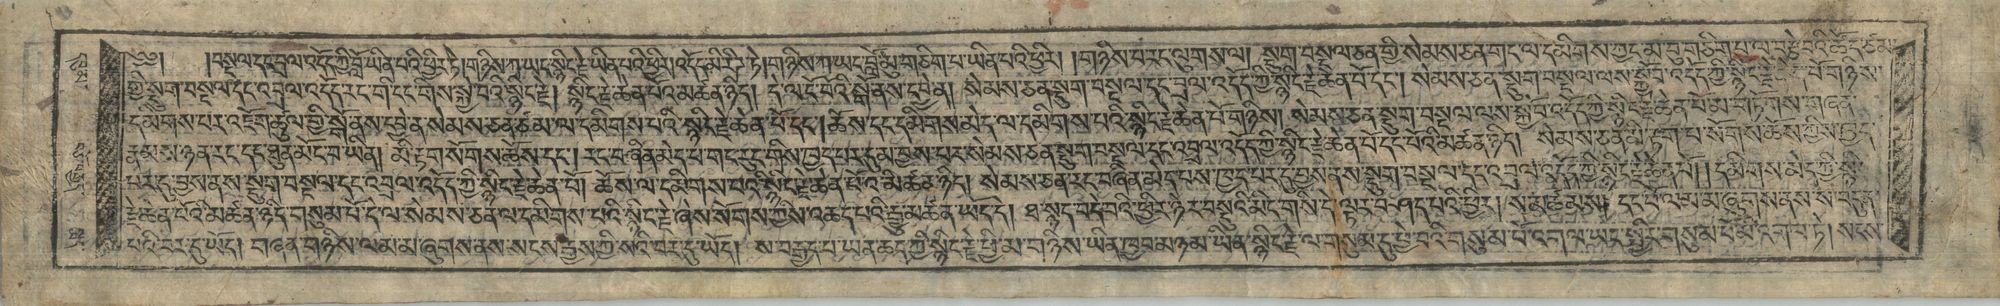༄༅། །བསྔལ་དང་བྲལ་འདོད་ཀྱི་བློ་ཡིན་པའི་ཕྱིར་ཏེ། གཉིས་ཀ་ཡང་སྙིང་རྗེ་ཡིན་པའི་ཕྱིར། འདོད་མི་རིགས་ཏེ། གཉིས་ཀ་ཡང་བློ་མུ་གཅིག་པ་ཡིན་པའི་ཕྱིར། །གཉིས་པ་རང་ལུགས་ལ། སྡུག་བསྔལ་ཅན་གྱི་སེམས་ཅན་གང་ལ་དམིགས་ཀྱང་མ་བུ་གཅིག་པ་ལ་བརྩེ་བའི་ཚོད་ཙམ་
གྱི་སྡུག་བསྔལ་དང་འབྲལ་འདོད་རང་གི་ངང་གིས་སྐྱེ་བའི་སྙིང་རྗེ། སྙིང་རྗེ་ཆེན་པོའི་མཚན་ཉིད། དེ་ལ་ངོ་བོའི་སྒོ་ནས་དབྱེ་ན། སེམས་ཅན་སྡུག་བསྔལ་དང་བྲལ་འདོད་ཀྱི་སྙིང་རྗེ་ཆེན་པོ་དང་། སེམས་ཅན་སྡུག་བསྔལ་ལས་སྐྱོབ་འདོད་ཀྱི་སྙིང་རྗེ་ཆེན་པོ་གཉིས་
དམིགས་པར་འཇོག་ཚུལ་གྱི་སྒོ་ནས་དབྱེ་ན་སེམས་ཅན་ཙམ་ལ་དམིགས་པའི་སྙིང་རྗེ་ཆེན་པོ་དང་། ཆོས་དང་དམིགས་མེད་ལ་དམིགས་པའི་སྙིང་རྗེ་ཆེན་པོ་གཉིས། སེམས་ཅན་སྡུག་བསྔལ་ལས་སྐྱོབ་འདོད་ཀྱི་སྙིང་རྗེ་ཆེན་པོ་མ་གཏོགས་གཞན་
རྣམས་ཉན་རང་དང་ཐུན་མོང་བ་ཡིན། མི་རྟག་སོགས་ཆོས་དང་། རང་བཞིན་མེད་པ་གང་རུང་གིས་ཁྱད་པར་དུ་མ་བྱས་བར་སེམས་ཅན་སྡུག་བསྔལ་དང་འབྲལ་འདོད་ཀྱི་སྙིང་རྗེ་ཆེན་པོ་དང་པོའི་མཚན་ཉིད། སེམས་ཅན་མི་རྟག་པ་སོགས་ཆོས་ཀྱིས་ཁྱད་
པར་དུ་བྱས་ནས་སྡུག་བསྔལ་དང་འབྲལ་འདོད་ཀྱི་སྙིང་རྗེ་ཆེན་པོ། ཆོས་ལ་དམིགས་པའི་སྙིང་རྗེ་ཆེན་པོའི་མཚན་ཉིད། སེམས་ཅན་རང་བཞིན་མེད་པས་ཁྱད་པར་དུ་བྱས་ནས་སྡུག་བསྔལ་དང་འབྲལ་འདོད་ཀྱི་སྙིང་རྗེ་ཆེན་པོ། །དམིགས་མེད་ཀྱི་སྙིང་
རྗེ་ཆེན་པོའི་མཚན་ཉིད་གསུམ་པོ་དེ་ལ་སེམས་ཅན་ལ་དམིགས་པའི་སྙིང་རྗེ་ཞེས་སོགས་ཀྱིས་འཆད་པའི་རྒྱུ་མཚན་ཡོད་དེ། ཐ་སྙད་བདེ་བའི་ཕྱིར་ཉེར་བསྡུའི་མིང་གིས་དེ་ལྟར་བཤད་པའི་ཕྱིར། ས་མཚམས། དང་པོ་ལམ་མ་ཞུགས་ནས་ས་བདུན་
པའི་བར་དུ་ཡོད། གཞན་གཉིས་ལམ་མ་ཞུགས་ནས་སངས་རྒྱས་ཀྱི་སའི་བར་དུ་ཡོད། ས་བརྒྱད་པ་ཡན་ཆད་ཀྱི་སྙིང་རྗེ་ཕྱི་མ་གཉིས་ཡིན་ཁྱབ་མཉམ་ཡིན་སྙིང་རྗེ་ལ་གསུམ་དུ་ཕྱེ་བའི་གསུམ་པོ་འགལ་ཡང་སྤྱིར་གསུམ་པོ་མི་འགལ་ཏེ། སངས་